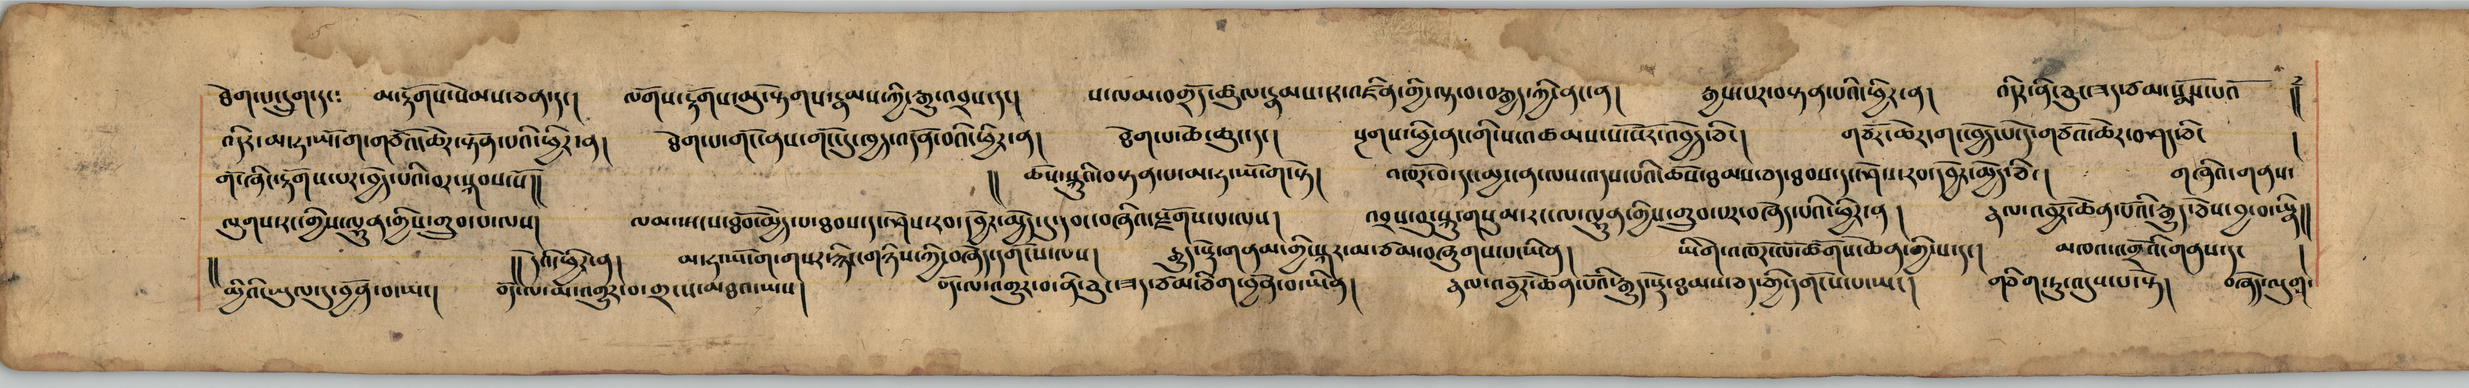ཐེག་པ་དྲུག་དང༴ མ་རྟོགས་སེམས་ཅན་དང། ལོགས་རྟོགས་མུ་སྟེགས་རྣམས་ཀྱི་རྒྱུ་འབྲས་དང། ས་ལམ་བགྲོད་ཚུལ་རྣམས་ངར་འཛིན་གྱི་ལྟ་བ་བརྒྱད་ཀྱི་ནང་ན། རྒྱས་པར་བསྟན་པའི་ཕྱིར་ན། འདིར་ནི་ཅུང་ཟད་ཙམ་སྨོས་པའོ །།
འདིར་མ་ཧ་ཡོ་ག་གཙོའ་ཆེར་སྟོན་པའི་ཕྱིར་ན། ཐེག་པ་གོང་ནས་གོང་དུ་ཁྱད་འདོན་བའི་ཕྱིར་ན། ཐེག་པ་ཆེ་ཆུང་དང། སྔགས་ཕྱི་ནང་གི་ས་འཚམས་སོ་སོར་འབྱེད་ཅིང། གཙོར་ཆེར་གང་བྱེད་པ་དེ་གཙོའ་ཆེར་བཤད་ཅིང
གོ་ཞིང་རྟོགས་པར་བྱེད་པཔའི་བར་སྐབས་སོ།། །། ཆོས་སྐུའི་བསྟན་པ་མ་ཧ་ཡོ་ག་སྟེ། འཁོར་བ་དང་མྱ་ངན་ལས་འདས་པའི་ཆོས་ཐམས་ཅད་དང་ཤེས་རབ་དབྱེར་མྱེད་ཅིང། གཞིའ་གནས་
ལུགས་རང་གྱིས་ལྷུན་གྱིས་གྲུབ་པ་ལས། ལམ་སྤངས་ཐོབ་མྱེད་པ་ཐབས་དང་ཤེས་རབ་དབྱེར་མྱེད་དུ་དབང་བཞིའ་སྫོགས་པ་ལས། འབྲས་བུ་སྐུ་གསུམ་རང་ལ་ལྷུན་གྱིས་གྲུབ་པར་བཞེད་པའི་ཕྱིར་ན། རྣལ་འབྱོར་ཆེན་པོའི་རྒྱུད་ཅེས་བྱ་བ་ཡི།།
།།དེའི་ཕྱིར་ན། མ་ཧ་ཡོ་ག་གསར་རྙིང་གཉིས་ཀྱི་བཞེད་དགོངས་ལས། རྒྱུད་སྡེ་གནམ་གྱི་སྐར་མ་ཙམ་བཞུགས་པ་ཡིན། ཡིགེ་འཁོར་ལོ་ཚོགས་ཆེན་གྱི་ས་དང། མཁའ་འགྲོའི་གནས་དང །
མྱིའི་ཡུལ་དུ་བྱོན་བ་ཡང། བདེ་ལ་མ་འགྱུར་བ་གྲངས་མཐའ་ཡས། བོད་ལ་འགྱུར་བ་ནི་ཅུང་ཟད་ཙམ་ཅིག་བྱོན་བ་ཡིན། རྣལ་འབྱོར་ཆེན་པོའི་རྒྱུད་སྡེ་ཐམས་ཅད་གྱི་དགོངས་པ་ཡང། གཅིག་ཏུ་འདུས་པ་སྟེ། བཞེད་ལུག་